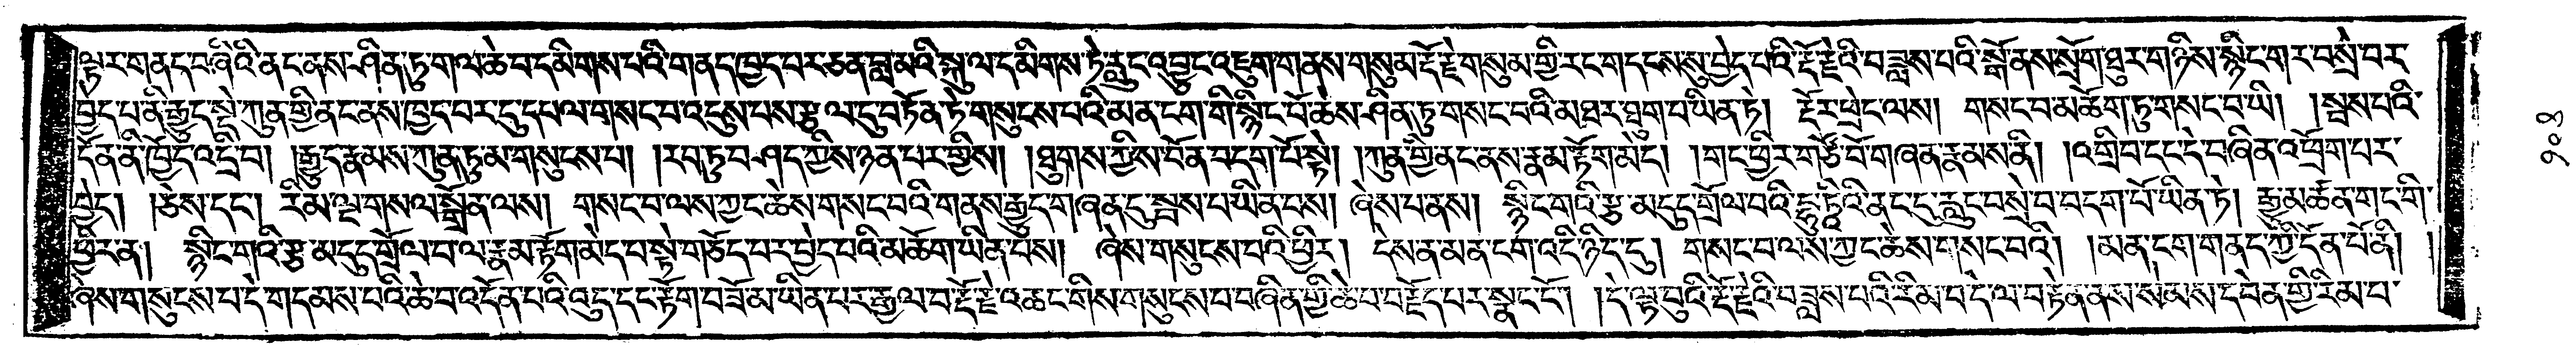ལྟར་གནད་བཞིའི་ནང་ནས་ཤིན་ཏུ་གལ་ཆེ་བ་དམིགས་པའི་གནོད་ཁྱད་པར་ཅན་བླ་མའི་སྐུ་ལ་དམིགས་ཏེ་རླུང་འབྱུང་འཇུག་གནས་གསུམ་རྡོ་རྗེ་གསུམ་གྱི་རང་གདངས་སུ་བྱེད་པའི་རྡོ་རྗེའི་བཟླས་པའི་སྒོ་ནས་སྲོག་ཐུར་གཉིས་སྙིང་གར་བསྲེ་བར་
བྱེད་པ་ནི་རྒྱུད་སྡེ་ཀུན་གྱི་ནང་ནས་ཁྱད་པར་དུ་དཔལ་གསང་བའི་དུས་པས་རྩལ་དུ་བཏོན་ཏེ་གསུངས་པའི་མན་ངག་གི་སྙིང་པོ་ཆེས་ཤིན་ཏུ་གསང་བའི་མཐར་ཐུག་པ་ཡིན་ཏེ། རྡོལ་ཕྲེང་ལས། གསང་བ་མཆོག་ཏུ་གསང་བ་ཡི། །སྦས་པའི་
དོན་ནི་ཁྱོད་འདྲི་བ། །རྒྱུད་རྣམས་ཀུན་ཏུ་མ་གསུངས་པ། །རབ་ཏུ་བཤད་ཀྱིས་ཉན་པར་གྱིས། །ཐུགས་ཀྱི་ས་བོན་བདག་པོ་སྟེ། །ཀུན་གྱི་ནང་ནས་རྣམ་རྟོག་མེད། །གང་ཕྱིར་གཙོ་བོ་གཞན་རྣམས་ནི། །འགྲིབ་དང་དེ་བཞིན་འཕྲོག་པར་
བྱེད། །ཅེས་དང་། རིམ་ལྔ་གསལ་སྒྲོན་ལས། གསང་བ་ལས་ཀྱང་ཆེས་གསང་བའི་གནས་རྒྱུད་གཞན་དུ་སྦས་པ་ཡིན་པས། ཞེས་པ་ནས། སྙིང་གའི་རྩ་མདུད་གྲོལ་བའི་དྷུ་ཏཱིའི་ནང་དུ་རླུང་བསྲེ་བ་བདག་པོ་ཡིན་ཏེ། རྒྱུ་མཚན་གང་གི་
ཕྱིར་ན། སྙིང་གའི་རྩ་མདུད་གྲོལ་བ་ལ་རྣམ་རྟོག་མེད་པ་སྟེ་གཅོད་པར་བྱེད་པའི་མཆོག་ཡིན་པས། ཞེས་གསུངས་པའི་ཕྱིར། དེས་ན་མན་ངག་འདི་ཉིད་དུ། གསང་བ་ལས་ཀྱང་ཆེས་གསང་བའི། །མན་ངག་གནད་ཀྱི་དོན་པོ་ནི། །
ཞེས་གསུངས་པ་དེ་གདམས་པའི་ཆེ་བ་འདོན་པའི་བུད་དང་རྟོག་བཟོ་མ་ཡིན་པར་རྒྱལ་བ་རྡོ་རྗེ་འཆང་གིས་གསུངས་པ་བཞིན་གྱི་ཆེ་བ་བརྗོད་པར་སྣང་ངོ། །དེ་ལྟ་བུའི་རྡོ་རྗེའི་བཟླས་པའི་རིམ་པ་དེ་ལ་བརྟེན་ནས་སེམས་དབེན་གྱི་རིམ་པ་